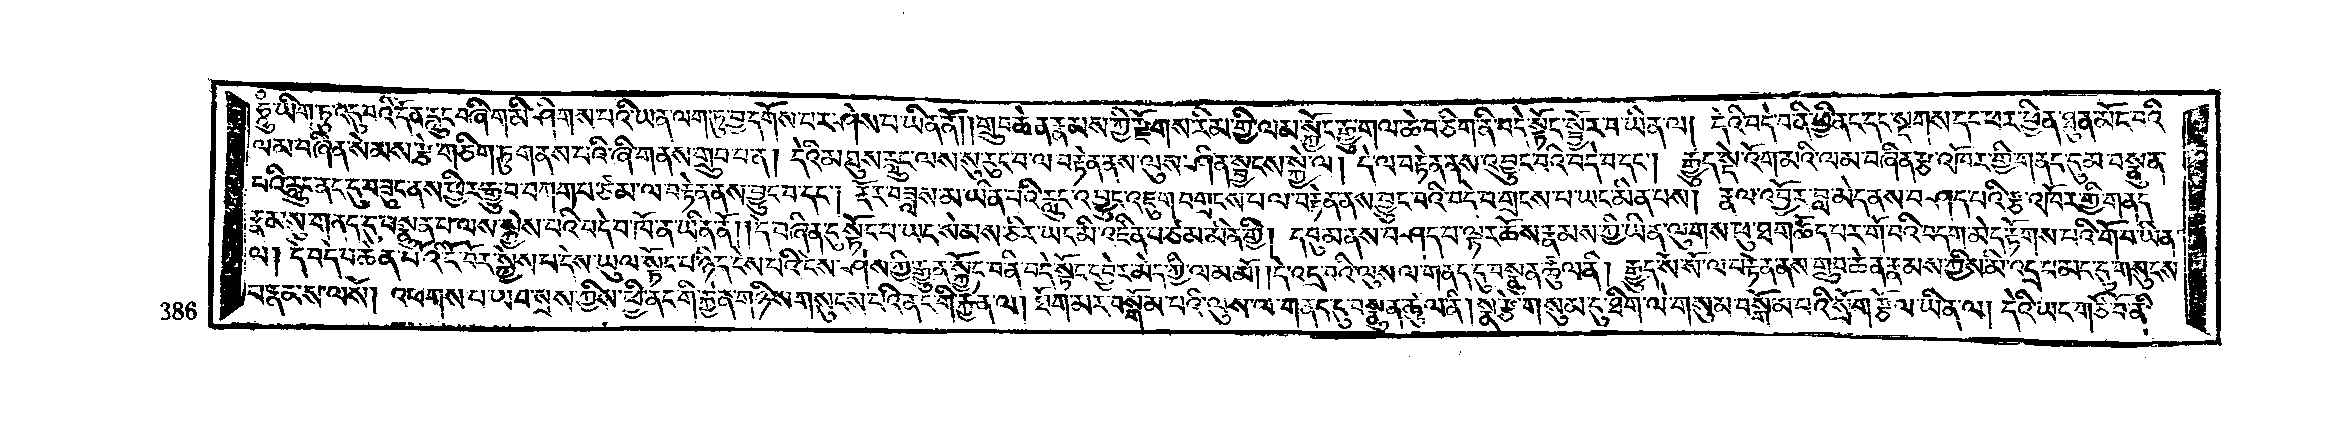ཧཱུཾ་ཡིག་ཏུ་འདུ་བའི་དོན་རླུང་བཞི་ག་མི་ཤིགས་པའི་ཡན་ལག་ཏུ་བྱ་དགོས་པར་ཤེས་པ་ཡིན་ནོ། །གྲུབ་ཆེན་རྣམས་ཀྱི་རྫོགས་རིམ་གྱི་ལམ་སྐྱོང་རྒྱུ་གལ་ཆེ་བ་ཅིག་ནི་བདེ་སྟོང་སྦྱོར་བ་ཡིན་ལ། དེའི་བདེ་བ་ནི་ཕྱི་ནང་དང་སྔགས་དང་ཕར་ཕྱིན་ཐུན་མོང་བའི་
ལམ་བཞིན་སེམས་རྩེ་གཅིག་ཏུ་གནས་པའི་ཞི་གནས་གྲུབ་པ་ན། དེའི་མཐུས་རླུང་ལས་སུ་རུང་བ་ལ་བརྟེན་ནས་ལུས་ཤིན་སྦྱངས་སྐྱེ་ལ། དེ་ལ་བརྟེན་ནས་འབྱུང་བའི་བདེ་བ་དང་། རྒྱུད་སྡེ་འོག་མའི་ལམ་བཞིན་རྩ་འཁོར་གྱི་གནད་དུ་མ་བསྣུན་
པའི་རླུང་ནང་དུ་བཟུང་ནས་ཕྱིར་རྒྱུ་བ་བཀག་པ་ཙམ་ལ་བརྟེན་ནས་བྱུང་བ་དང་། རྡོར་བཟླས་མ་ཡིན་པའི་རླུང་འབྱུང་འཇུག་བགྲངས་པ་ལ་བརྟེན་ནས་བྱུང་བའི་བདེ་བ་གྲངས་པ་ཡང་མིན་པས། རྣལ་འབྱོར་བླ་མེད་ནས་བཤད་པའི་རྩ་འཁོར་གྱི་གནད་
རྣམས་སུ་གནད་དུ་བསྣུན་པ་ལས་སྐྱེས་པའི་བདེ་བ་ཁོ་ན་ཡིན་ནོ། །དེ་བཞིན་དུ་སྟོང་པ་ཡང་སེམས་ཅིར་ཡང་མི་འཛིན་པ་ཙམ་མིན་གྱི། དབུ་མ་ནས་བཤད་པ་ལྟར་ཆོས་རྣམས་ཀྱི་ཡིན་ལུགས་ཕུ་ཐག་ཆོད་པར་གོ་བའི་བདག་མེད་རྟོགས་པའི་གོ་བ་ཡིན་
ལ། དེ་བདེ་བ་ཆེན་པོའི་ངོ་བོར་སྐྱེས་པ་དེས་ཡུལ་སྟོང་པ་ཉིད་ངེས་པའི་ངེས་ཤེས་ཀྱི་རྒྱུན་སྐྱོང་བ་ནི་བདེ་སྟོང་དབྱེར་མེད་ཀྱི་ལམ་མོ། །དེ་འདྲ་བའི་ལུས་ལ་གནད་དུ་བསྣུན་ཚུལ་ནི། རྒྱུད་སོ་སོ་ལ་བརྟེན་ནས་གྲུབ་ཆེན་རྣམས་ཀྱིས་མི་འདྲ་བ་མང་དུ་གསུངས་
པ་རྣམས་ལས་སོ། འཕགས་པ་ཡབ་སྲས་ཀྱིས་ཕྱི་ནང་གི་རྐྱེན་གཉིས་གསུངས་པའི་ནང་གི་རྐྱེན་ལ། ཐོག་མར་བསྒོམ་པའི་ལུས་ལ་གནད་དུ་བསྣུན་ཚུལ་ནི། སྣ་རྩེ་གསུམ་དུ་ཐིག་ལེ་གསུམ་བསྒོམ་པའི་སྲོག་རྩོལ་ཡིན་ལ། དེའི་ཡང་གཙོ་བོ་ནི་